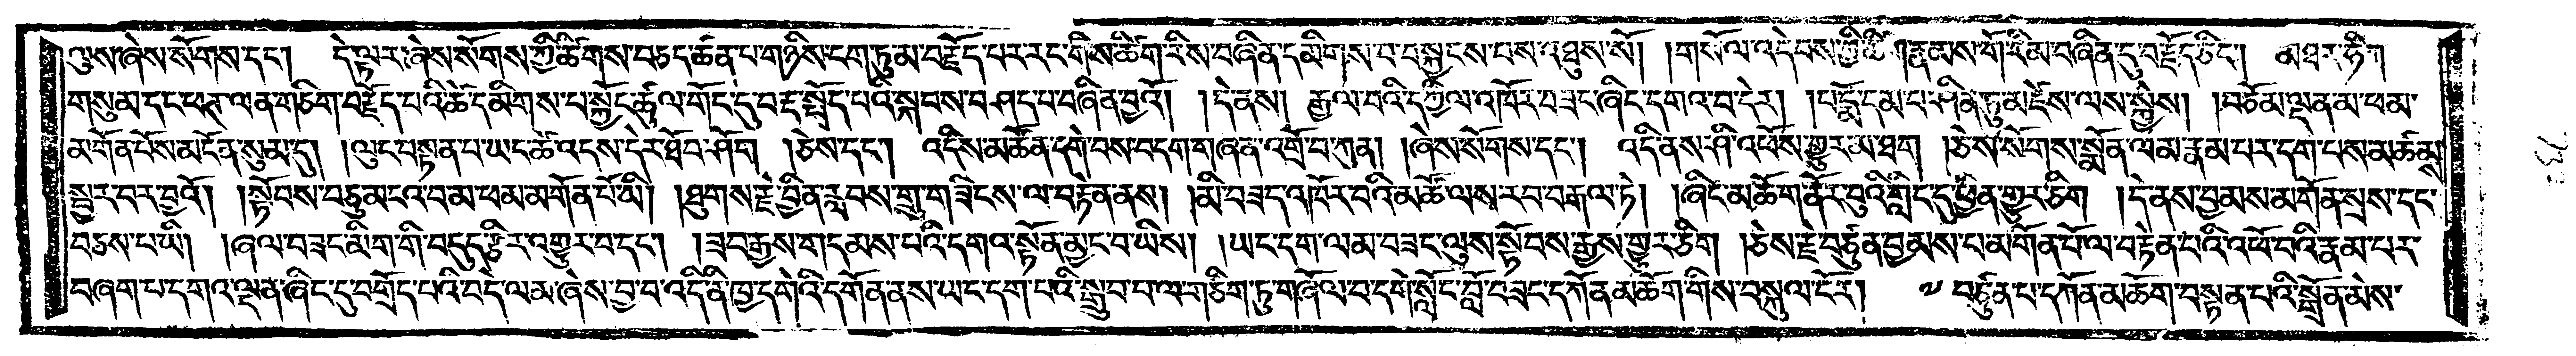ལུས་ཞེས་སོགས་དང་། དེ་ལྟར་ཞེས་སོགས་ཀྱི་ཚིགས་བཅད་ཚན་པ་གཉིས་ངག་ཏུ་མ་བརྗོད་པར་རང་གིས་ཚིག་རིས་བཞིན་དམིགས་པ་བསྐྱངས་པས་འཐུས་སོ། །གསོལ་འདེབས་ཀྱི་ཚིག་རྣམས་གོ་རིམ་བཞིན་དུ་བརྗོད་ཅིང་། མཐར་ཧིཀ་
གསུམ་དང་ཕཊ་ལན་གཅིག་བརྗོད་པའི་ཚེ་དམིགས་པ་སྐྱོང་ཚུལ་གོང་དུ་བརྡ་སྤྲོད་པའི་སྐབས་བཤད་པ་བཞིན་བྱའོ། །དེ་ནས། རྒྱལ་བའི་དཀྱིལ་འཁོར་བཟང་ཞིང་དགའ་བ་དེར། །པདམོ་དམ་པ་ཤིན་ཏུ་མཛེས་ལས་སྐྱེས། །བཅོམ་ལྡན་མ་ཕམ་
མགོན་པོས་མངོན་སུམ་དུ། །ལུང་བསྟན་པ་ཡང་ཚེ་འདས་དེར་ཐོབ་ཤིག །ཅེས་དང་། འདིས་མཚོན་དགེ་བས་བདག་གཞན་འགྲོ་བ་ཀུན། །ཞེས་སོགས་དང་། འདི་ནས་ཤི་འཕོས་གྱུར་མ་ཐག །ཅེས་སོགས་སྨོན་ལམ་རྣམ་པར་དག་པས་མཚམས་
སྦྱང་བར་བྱའོ། །སྟོབས་བཅུ་མངའ་བ་མ་ཕམ་མགོན་པོ་ཡི། །ཐུགས་རྗེ་བྱིན་རླབས་གྲུ་གཟིངས་ལ་བརྟེན་ནས། །མི་བཟད་འཁོར་བའི་མཚོ་ལས་རབ་བརྒལ་ཏེ། །ཞིང་མཆོག་ནོར་བུའི་གླིང་དུ་ཕྱིན་གྱུར་ཅིག །དེ་ནས་བྱམས་མགོན་སྲས་དང་
བཅས་པ་ཡི། །ཞལ་བཟང་མིག་གི་བདུད་རྩིར་འགྱུར་བ་དང་། །ཟབ་རྒྱས་གདམས་པའི་དགའ་སྟོན་མྱང་བ་ཡིས། །ཡང་དག་ལམ་བཟང་ལུས་སྟོབས་རྒྱས་གྱུར་ཅིག །ཅེས་རྗེ་བཙུན་བྱམས་པ་མགོན་པོ་ལ་བརྟེན་པའི་འཕོ་བའི་རྣམ་པར་
བཞག་པ་དགའ་ལྡན་ཞིང་དུ་བགྲོད་པའི་བདེ་ལམ་ཞེས་བྱ་བ་འདི་ནི་ཁྱ་དགེའི་དགོན་ནས་ཡང་དག་བའི་སྒྲུབ་པ་ལ་གཅིག་ཏུ་གཞོལ་བ་དགེ་སློང་བློ་བཟང་དཀོན་མཆོག་གིས་བསྐུལ་ངོམ?་༈ བཙུན་པ་དཀོན་མཆོག་བསྟན་པའི་སྒྲོན་མེས་